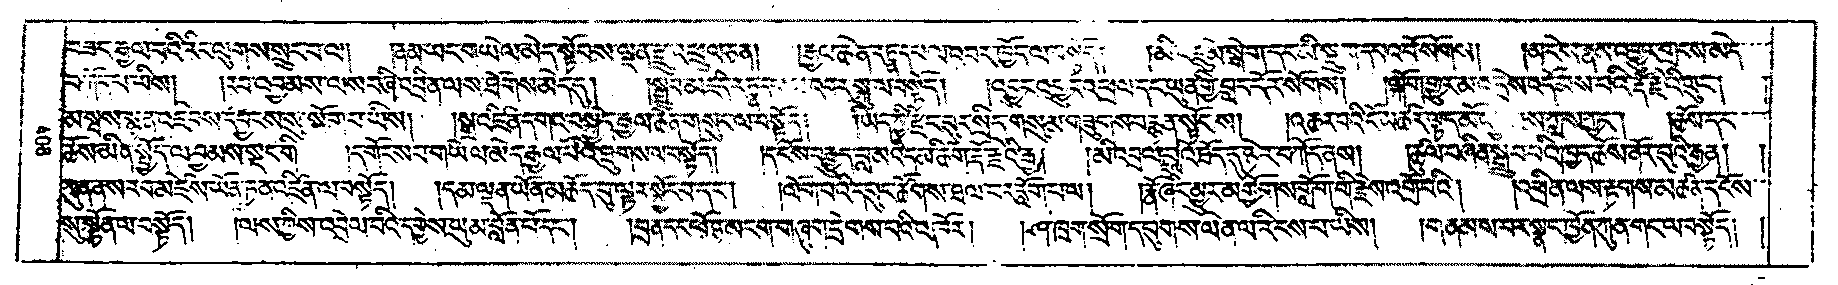བཟང་རྒྱལ་བའི་རིང་ལུགས་སྲུང་བ་ལ། །ནམ་ཡང་གཡེལ་མེད་སྟོབས་ལྡན་རྫུ་འཕྲུལ་ཅན། །རྒྱལ་ཆེན་རཏྣ་དཔལ་འབར་ཁྱོད་ལ་བསྟོད། །མི་འཛུམ་སྒེག་དང་མི་སྡུག་དཔའ་བོ་སོགས། །མ་ངེས་རྣམ་འགྱུར་གྲངས་མེད་
བཀོད་པ་ཡིས། །རབ་འབྱམས་ལས་བཞི་འཕྲིན་ལས་ཐོགས་མེད་དུ། །སྒྲུབ་མཛད་རཏྣ་དཔལ་འབར་སྐུ་ལ་བསྟོད། །འབྱུང་འགྱུར་འཕྲལ་དང་ཡུན་གྱི་བླང་དོར་སོགས། །ལྐོག་གྱུར་མ་འདྲེས་འདོམས་པའི་རྡོ་རྗེའི་ལུང་། །
མ་སྦས་སྙན་འཇིབས་དབྱངས་སུ་སྒྲོག་པ་ཡིས། །སྒྲ་འཛིན་དགའ་བསྐྱེད་རྒྱལ་ཆེན་གསུང་ལ་བསྟོད། །ཡིད་ཀྱི་རྫིང་བུར་སྲིད་གསུམ་གཟུགས་བརྙན་སྟོངས། །འཆར་བའི་ངོ་མཚར་ལྟད་མོ་འབྱམས་ཀླས་ཀྱང་། །ཆོས་དང་
ཆོས་མིན་སྤྱོད་ལ་བྱམས་སྡང་གི །དགོངས་པ་གཡེལ་མེད་རྒྱལ་པོའི་ཐུགས་ལ་བསྟོད། །དངོས་བརྒྱུད་བླ་མའི་དམ་ཚིག་རྡོ་རྗེའི་རྒྱ། །མི་འབྲལ་རལ་པའི་ཐོད་དུ་ཉེར་བཀོད་ནས། །ཚུལ་བཞིན་སྒྲུབ་པའི་ཁྱད་ཆོས་ནོར་བུའི་རྒྱན། །
ཀུན་ནས་རབ་མཛེས་ཡོན་ཏན་འཛིན་ལ་བསྟོད། །དམ་ལྡན་ཡོན་མཆོད་བུ་ལྟར་སྐྱོང་བ་དང་། །ལོག་པའི་དཔུང་ཚོགས་ཐལ་བར་རློག་པ་ལ། །རྣོ་ཞིང་མྱུར་མགྱོགས་གློག་གི་རྗེས་འགྲོ་བའི། །འཕྲིན་ལས་རྟགས་མཚན་དངོས་
སུ་སྟོན་ལ་བསྟོད། །ལས་ཀྱི་འབྲེལ་བའི་དགྱེས་ཡུམ་བློན་པོ་དང་། །བྲན་དང་ཕོ་ཉ་མངག་བཞུག་དྲེགས་པའི་འཁོར། །ཤ་ཁྲག་སྲོག་དབུགས་ལེན་ལ་རིངས་པ་ཡིས། །གནམ་ས་པར་སྣང་ཁྱོན་ཀུན་གང་ལ་བསྟོད། །